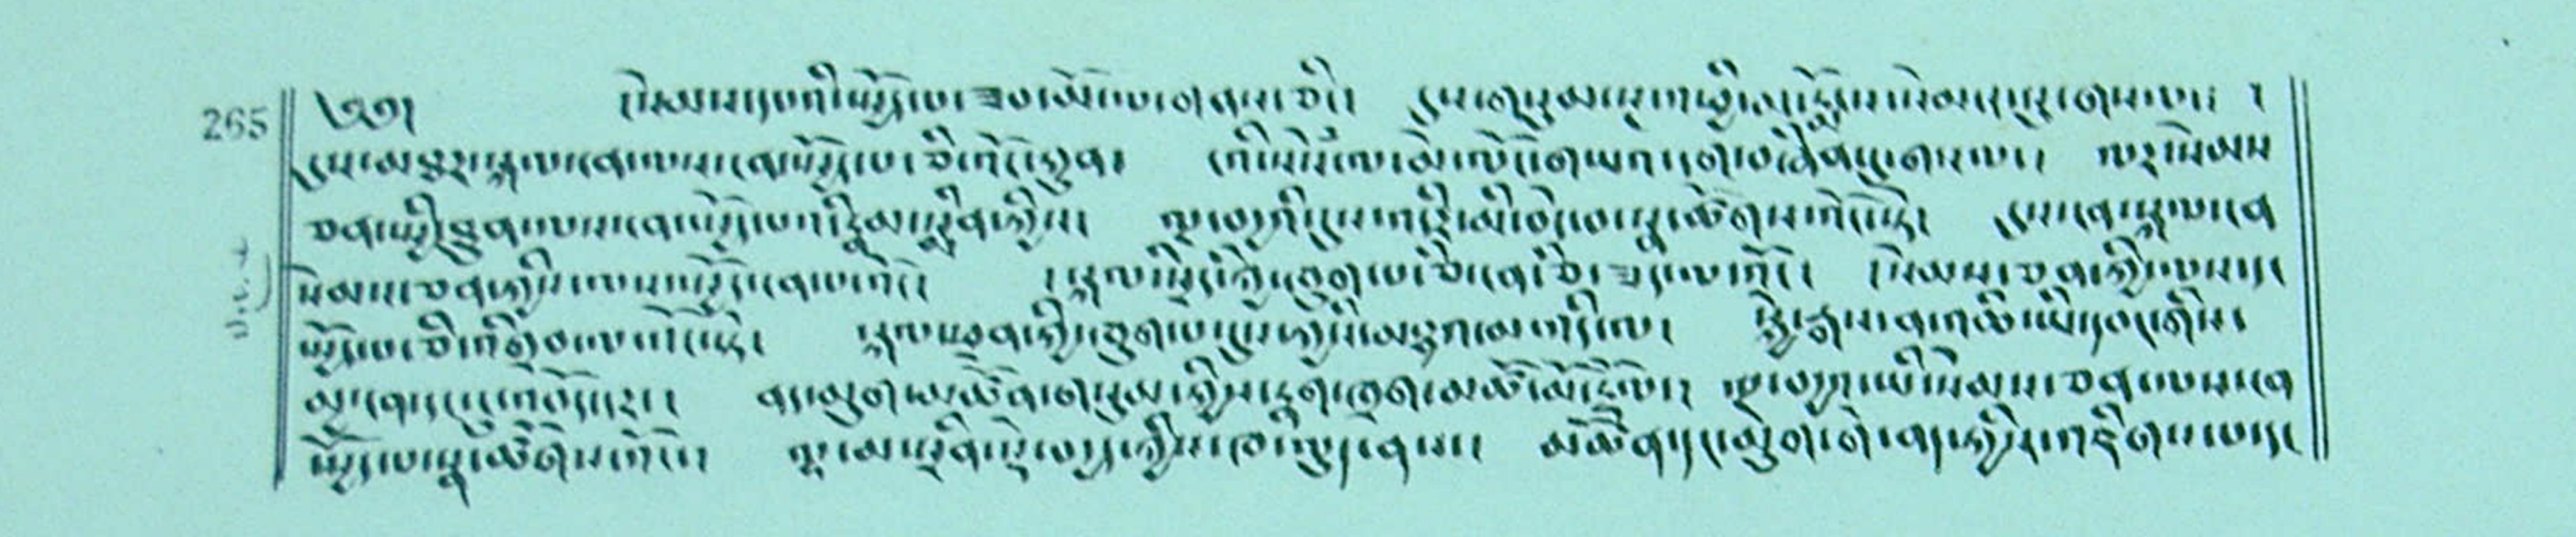༄༅། །སེམས་དཔའི་སྤྱོད་པ་ཟབ་མོ་ལ་གནས་ཅིང་། དུས་གསུམ་སྔ་འཕྱི་ཟབ་མོ་སེམས་སུ་གསལ། 
དུས་མཐར་བསྐལ་ངན་ལས་ངན་སྤྱོད་པ་ཅི་འོང་ཀུན། ངའི་སེམས་ལ་མེ་ལོང་གཡའ་དག་བཞིན་དུ་གསལ། ལར་སེམས་
ཅན་སྤྱི་མཐུན་ལས་ངན་སྤྱོད་པའི་རྣམ་སྨིན་གྱིས། ལྔ་བརྒྱའི་དུས་འདིར་མི་བདེ་བ་སྣ་ཚོགས་འོང་བ་སྟེ། དུས་ངན་བསྐལ་ངན་
སེམས་ཅན་ཀྱི་ལས་སྤྱོད་ངན་པ་འོང་། བསྐལ་སྲིད་ཀྱི་ཁུག་པ་ཅི་ངན་ཅི་ཟད་འོང་། སེམས་ཅན་གྱི་ལས་དང་
སྤྱོད་པ་ཅི་འགྲིབ་ལ་འོང་སྟེ། བསྐལ་ཕྲན་གྱི་ཁུག་པ་དུས་ཀྱི་མཐའ་མ་འདི་ལ། སྐྱེ་རྒས་ན་འཆི་ཡི་དབང་གིས་
མྱ་ངན་དང་ངུ་འབོད་དར། ནད་མུག་མཚོན་གསུམ་གྱིས་རྣག་ཁྲག་མཚོ་མོ་རྡོལ། ལྔ་བརྒྱ་ཡི་སེམས་ཅན་ལས་ངན་
སྤྱོད་པ་སྣ་ཚོགས་འོང་། ལྷ་མ་སྲིན་སྡེ་བརྒྱད་ཀྱི་ཁ་ལུད་ནས། མཚོན་དང་མུག་གེ་ནད་ཀྱི་འཇིགས་པ་དང་།